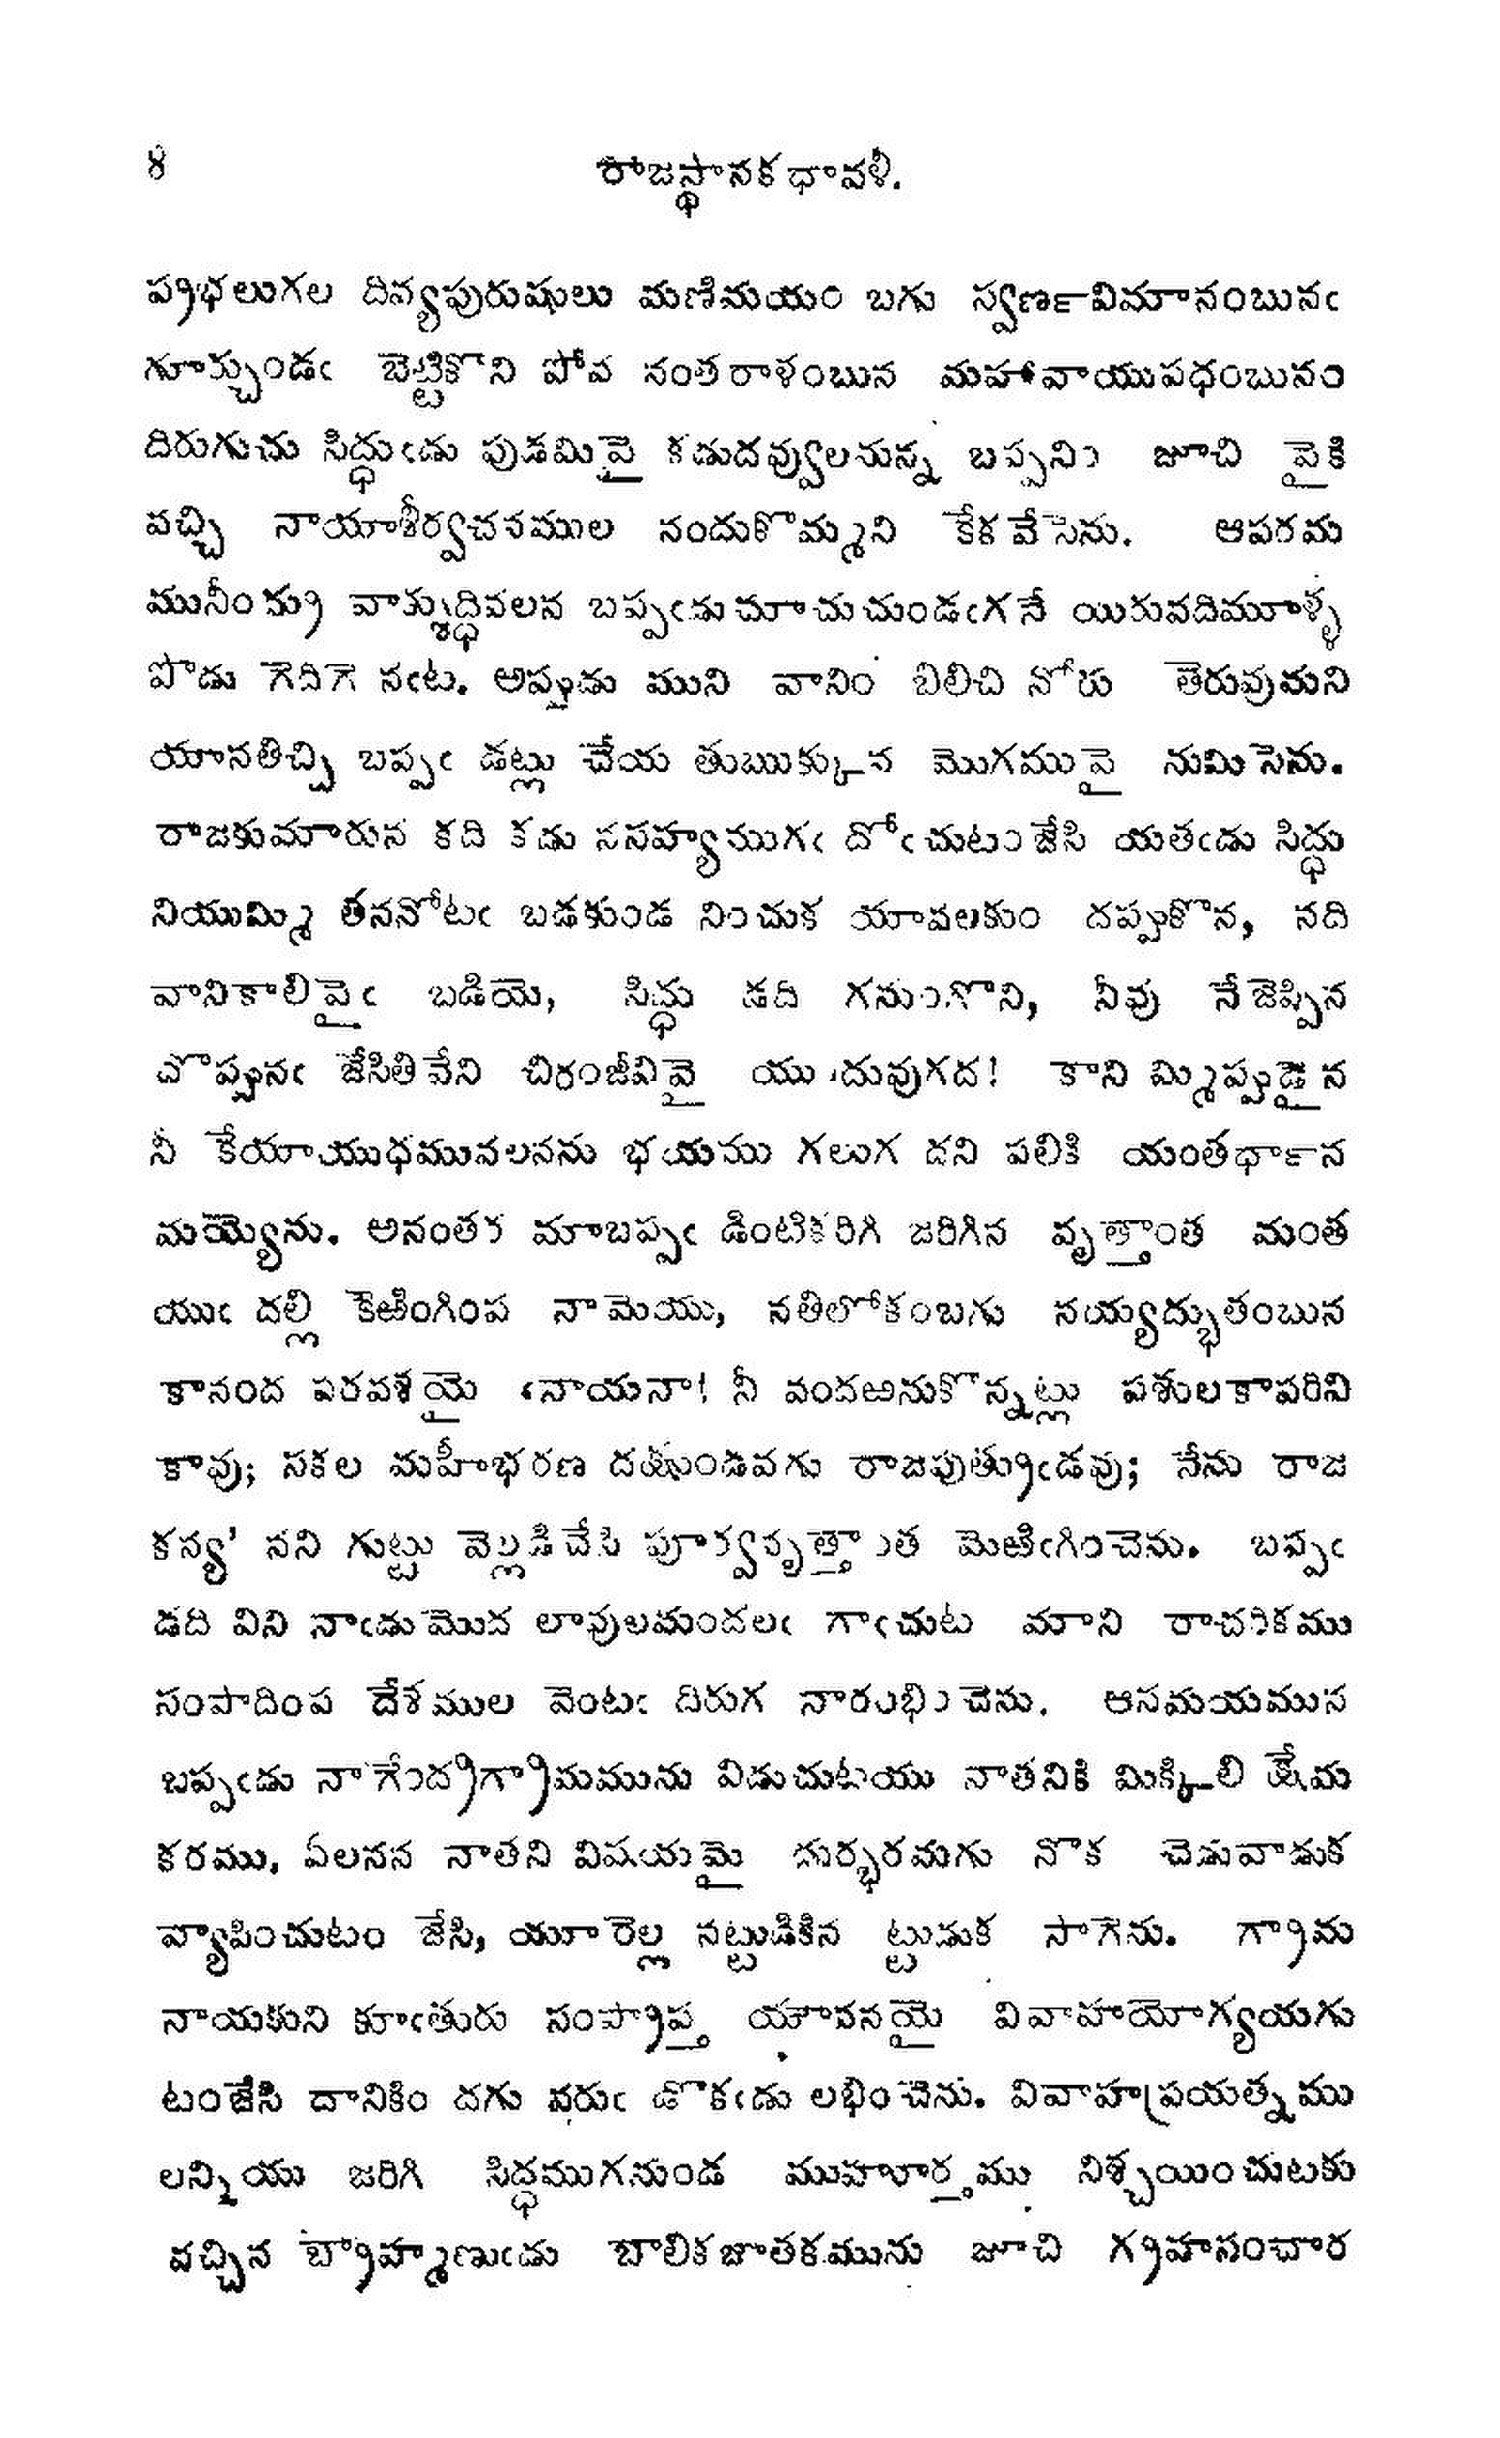ప్రభలుగల దివ్యపురుషులు మణిమయం బగు స్వణ౯ విమానంబునఁ గూర్చుండఁ బెట్టికొని పోవ నంతరాళంబున మహావాయుపధంబునం దిరుగుచు సిద్ధుఁడు పుడమి పై కడుదవ్వుల నున్న బప్పనిం, జూచి పైకి వచ్చి నాయాశీర్వచనముల నందుకొమ్మని కేక వేసెను. ఆపరమ మునీంద్రు వాక్సుద్ధివలన బప్పఁడు చూచు చుండఁగ నే యిరువది మూళ్ళ పొడు గెదిగె నఁట. అప్పుడు ముని వానిం బిలిచి నోరు తెరువుమని యానతిచ్చి బప్పఁ డట్లు చేయ తుఋక్కున మొగముపై నుమిసెను. రాజకుమారున కది కడు నసహ్యముగఁ దోఁచుటం జేసి యతఁడు సిద్ధు నియుమ్మి తననోటఁ బడకుండ నించుక యావలకుం దప్పుకొన, నది వాని కాలిపైఁ బడియె, సిద్ధు డది గనుంగోని, నీవు నే జెప్పిన చోప్పునఁ జేసితి వేని చిరంజీవివై యుందువుగద! కాని మ్మిప్పుడైన నీ కేయాయుధమువలనను భయము గలుగ దని పలికి యంతధా౯న మయ్యెను. అనంతర మాబప్పఁ డింటికరిగి జరిగిన వృత్తాంత మంతయుఁ దల్లి కెఱింగింప నామెయు, నతిలోకంబగు నయ్యద్భుతంబున కానంద పరవశయై 'నాయనా! నీ వందఱనుకొన్నట్లు పశులకాపరివి కావు; సకల మహీభరణ దక్షుండవగు రాజపుత్రుండవు; నేను రాజకన్య' నని గుట్టు వెల్లడి చేసి పూర్వవృత్తాంత మెఱిఁగించెను. బప్పఁడది విని నాఁడు మొద లావుల మండలఁ గాఁచుట మాని రాచరికము సంపాదింప దేశముల వెంట, దిరుగ నారంభించెను.ఆసమయమున బప్పఁడు నా గేంద్రగామమును విడుచుటయు నాతనికి మిక్కిలి క్షేమకరము, ఏలనన నాతని విషయమై దుర్భరమగు నొక చెడు వాడుక వ్యాపించుటం జేసి, యూరెల్ల నట్టుడికిన ట్టుడుక సాగెను. గ్రామనాయకుని కూఁతురు సంప్రాప్త యౌవనయై వివాహయోగ్యయగుటం జేసి దానికిం దగు వరుఁ డొకఁడు లభించెను. వివాహ ప్రయత్నము లన్నియు జరిగి సిద్ధముగనుండ ముహూర్తము నిశ్చయించుటకు వచ్చిన బ్రాహ్మణుఁడు బాలిక జాతకమును జూచి గ్రహసంచార